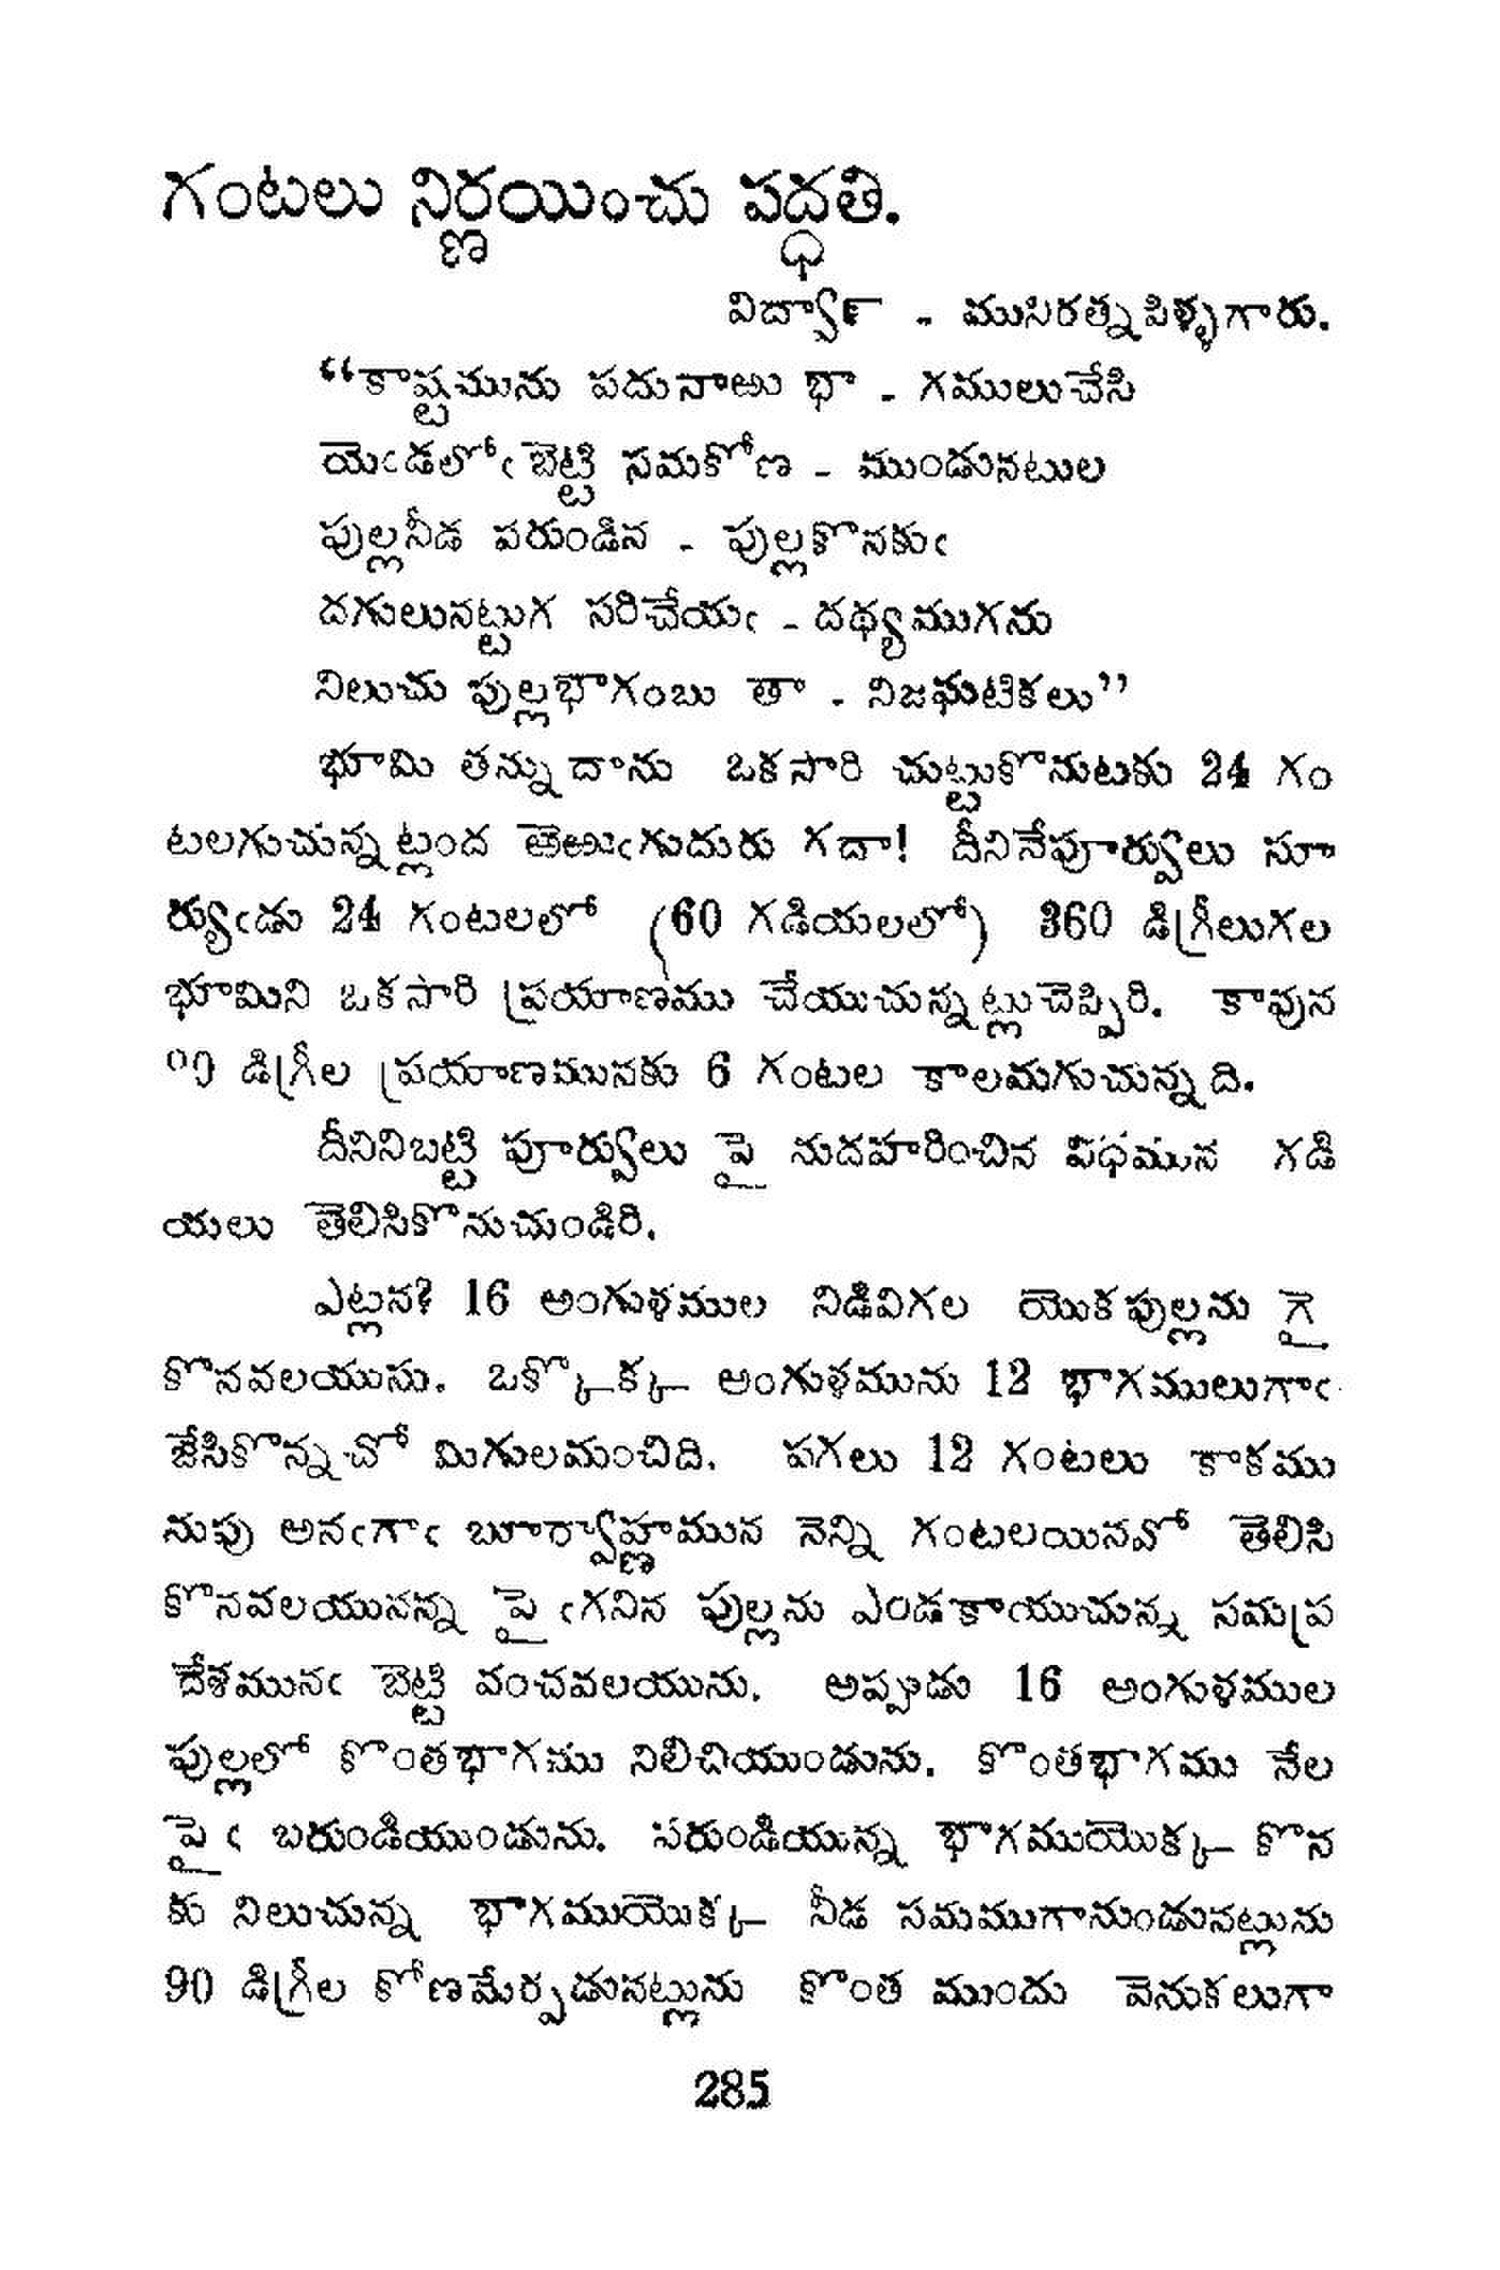గంటలు నిర్ణయించు పద్ధతి.
 
 

 "కాష్టమును పదునాఱు భా - గములుచేసి
 యెండలోఁ బెట్టి సమకోణ - ముండునటుల
 పుల్లనీడ పరుండిన - పుల్లకొనకుఁ
 దగులునట్టుగ సరిచేయఁ - దథ్యముగను
 నిలుచు పుల్లభాగంబు తా - నిజఘటికలు" 

 
భూమి తన్నుదాను ఒకసారి చుట్టుకొనుటకు 24 గంటలగుచున్నట్లంద ఱెఱుఁగుదురు గదా! దీనినే పూర్వులు సూర్యుడు 24 గంటలలో(60 గడియలలో) 360 డిగ్రీలుగల భూమిని ఒకసారి ప్రయాణము చేయుచున్నట్లుచెప్పిరి. కావున 90 డిగ్రీల ప్రయాణమునకు 6 గంటల కాలమగుచున్నది.
 
దీనినిబట్టి పూర్వులు పై నుదహరించిన విధమున గడియలు తెలిసికొనుచుండిరి.
 
ఎట్లన? 16 అంగుళముల నిడివిగల యొకపుల్లను గైకొనవలయును. ఒక్కొక్క అంగుళము 12 భాగములుగా జేసికొన్నచో మిగులమంచిది. పగలు 12 గంటలు కాకమునుపు అనఁగాఁ బూర్వాహ్ణమున నెన్ని గంటలయినవో తెలిసి కొనవలయునన్న పైఁ గనిన పుల్లను ఎండకాయుచున్న సమప్రదేశమున బెట్టి వంచవలయును. అప్పుడు 16 అంగుళముల పుల్లలో కొంతభాగము నిలిచియుండును. కొంతభాగము నేలపైఁ బరుండియుండును. పరుండియున్న భాగముయొక్క కొనకు నిలుచున్న భాగముయొక్క నీడ సమముగానుండునట్లును 90 డిగ్రీల కోణమేర్పడునట్లును కొంత ముందు వెనుకలుగా